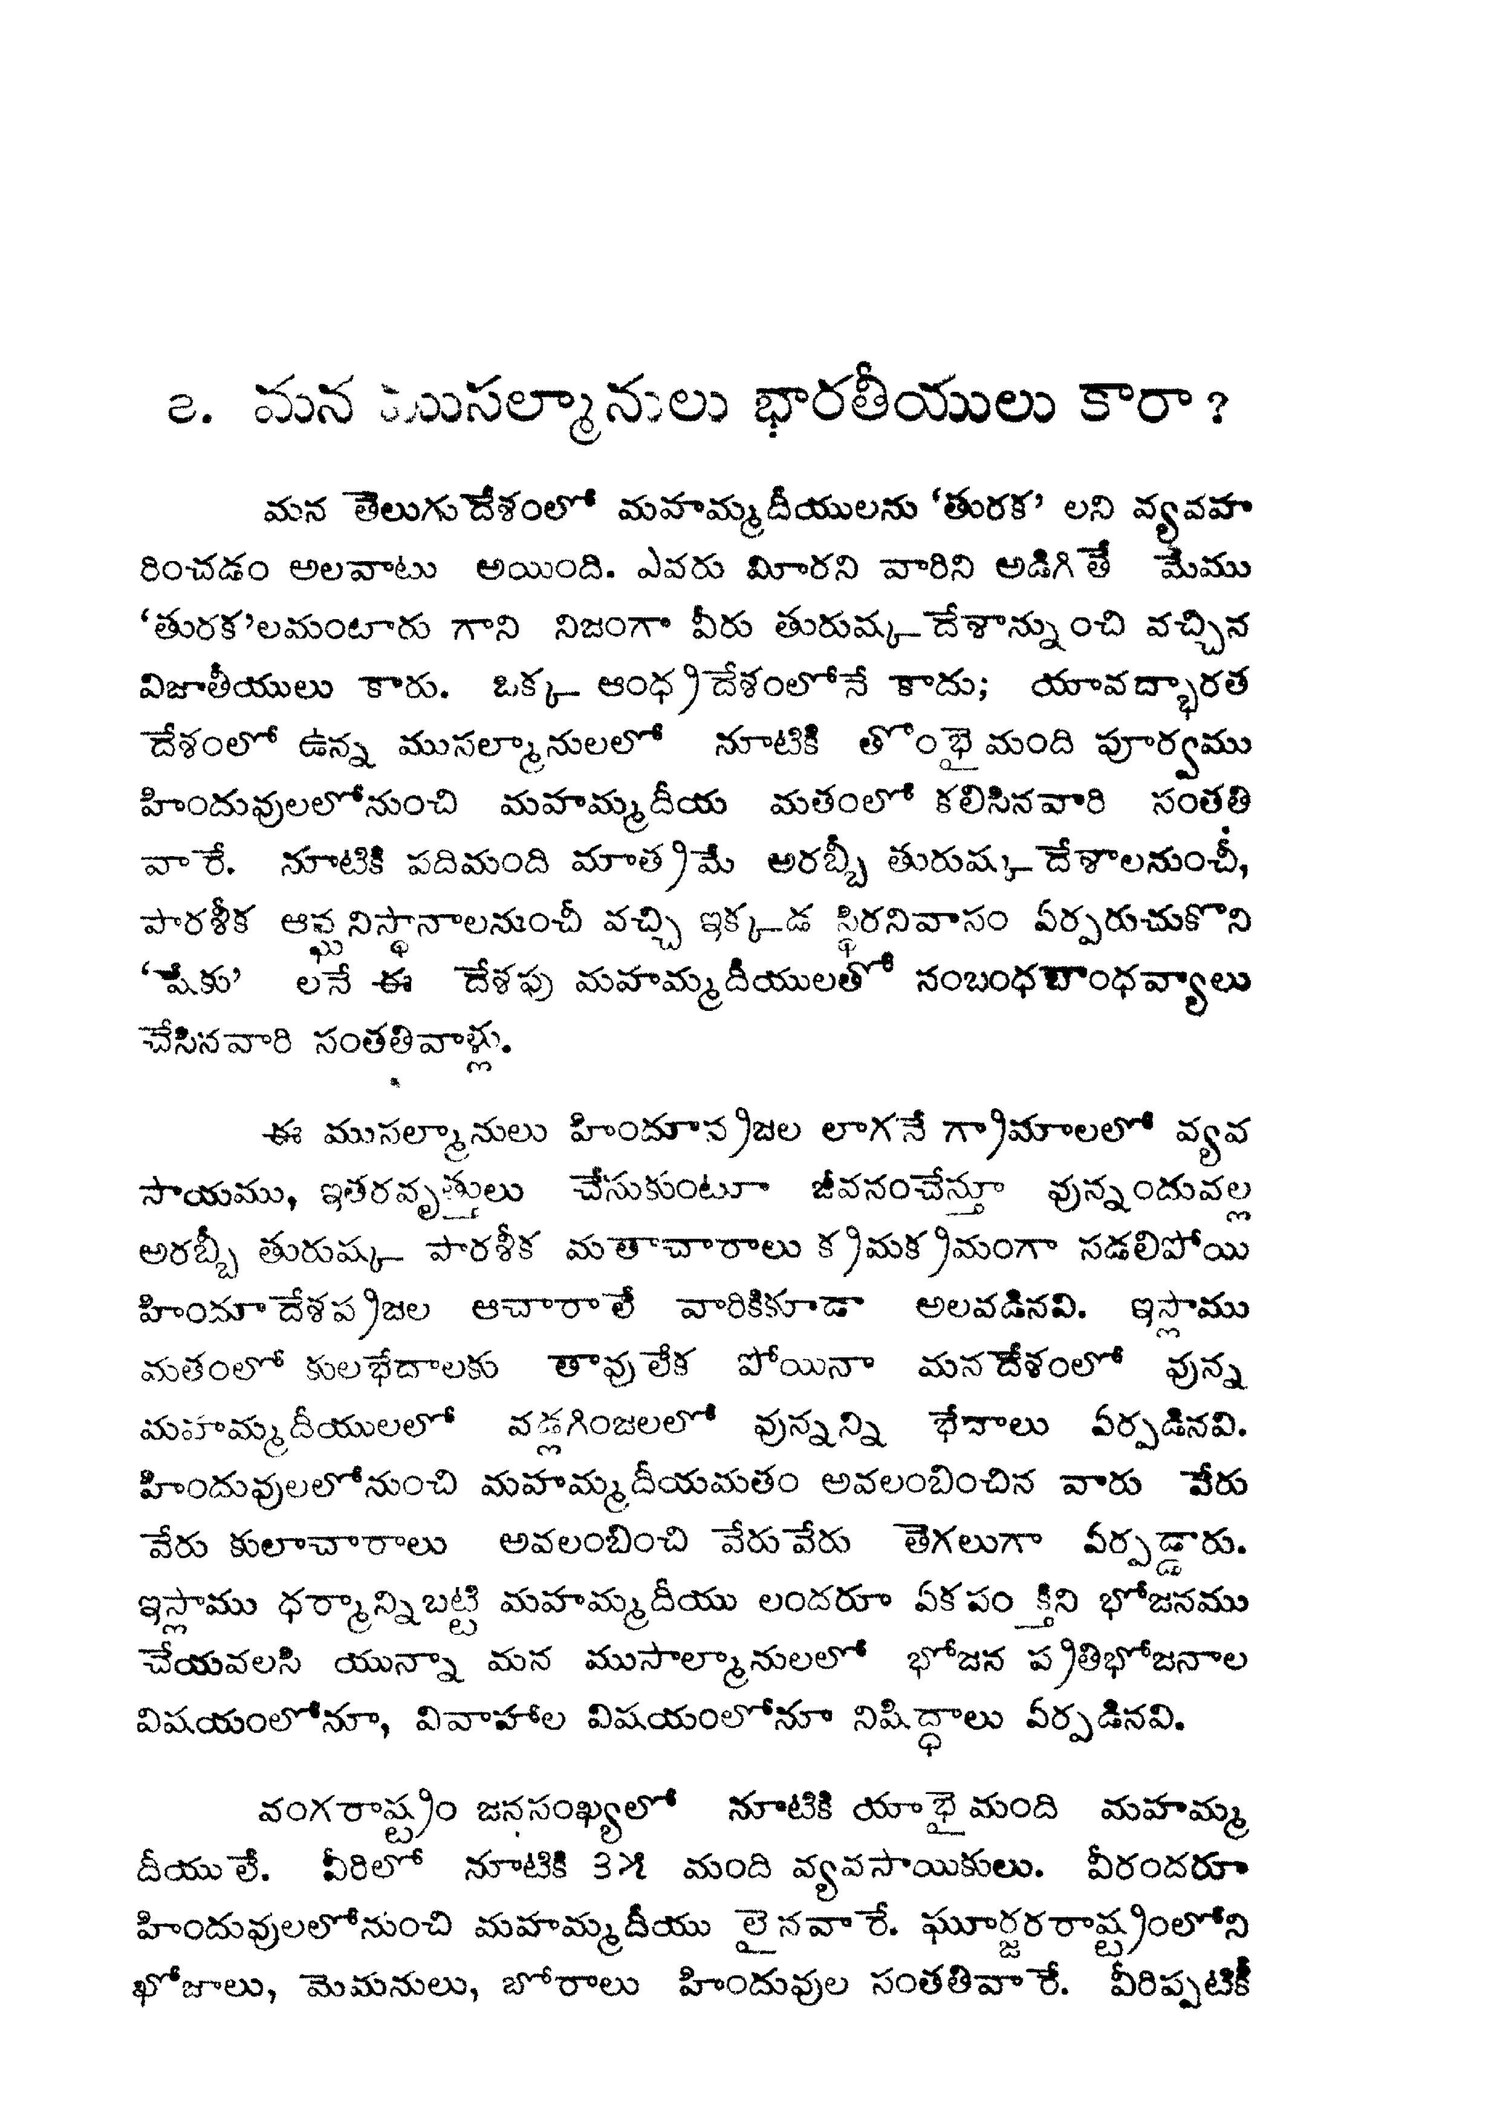7. మన ముసల్మానులు భారతీయులు కారా?.

మన తెలుగు దేశంలో మహమ్మదీయులను 'తురక' లని వ్యవహ
రించడం అలవాటు అయింది. ఎవరు మీరని వారిని అడిగితే మేము
'తురక'లమంటారు గాని నిజంగా వీరు తురుష్క దేశాన్నుంచి వచ్చిన
విజాతీయులు కారు. ఒక్క ఆంధ్ర దేశంలోనే కాదు; యావద్భారత
దేశంలో ఉన్న ముసల్మానులలో నూటికి తొంభై మంది పూర్వము
హిందువులలోనుంచి మహమ్మదీయ మతంలో కలిసిన వారి సంతతి
వారే. నూటికి పదిమంది మాత్రమే అరబ్బీ తురుష్క దేశాలనుంచీ,
పారశీక ఆఫ్ఘనిస్థానాలనుంచీ వచ్చి ఇక్కడ స్థిరనివాసం ఏర్పరుచుకొని
‘షేకు ' లనే ఈ దేశపు మహమ్మదీయులతో సంబంధ బాంధవ్యాలు
చేసిన వారి సంతతి వాళ్లు.
ఈ ముసల్మానులు హిందూప్రజల లాగనే గ్రామాలలో వ్యవ
సాయము, ఇతర వృత్తులు చేసుకుంటూ జీవనం చేస్తూ వున్నందువల్ల
అరబ్బీ తురుష్క పారశీక మతాచారాలు క్రమక్రమంగా సడలిపోయి
హిందూ దేశ ప్రజల ఆచారాలే వారికికూడాఅలవడినవి. ఇస్లాము 
మతంలో కుల భేదాలకు తావులేక పోయినా మన దేశంలో వున్న
మహమ్మదీయులలో వడ్లగింజలలో వున్నన్ని భేదాలు ఏర్పడినవి.
హిందువులలోనుంచి మహమ్మదీయమతం అవలంబించిన వారు వేరు
వేరు కులాచారాలు అవలంబించి వేరు వేరు తెగలుగా ఏర్పడ్డారు.
ఇస్లాము ధర్మాన్ని బట్టి మహమ్మదీయు లందరూ ఏకపంక్తిని భోజనము
చేయవలసి యున్నా మన ముసల్మానులలో భోజన ప్రతిభోజనాల
విషయంలోనూ, వివాహాల విషయంలోనూ నిషిద్ధాలు ఏర్పడినవి.
వంగరాష్ట్రం జనసంఖ్యలో నూటికి యాభై మంది మహమ్మ
దీయులే. వీరిలో నూటికి 34 మంది వ్యవసాయికులు. వీరందరూ
హిందువులలోనుంచి మహమ్మదీయు లైనవారే. ఘూర్జర రాష్ట్రంలోని
ఖోజాలు, మెమనులు, బోరాలు హిందువుల సంతతివారే. వీరిప్పటికీ